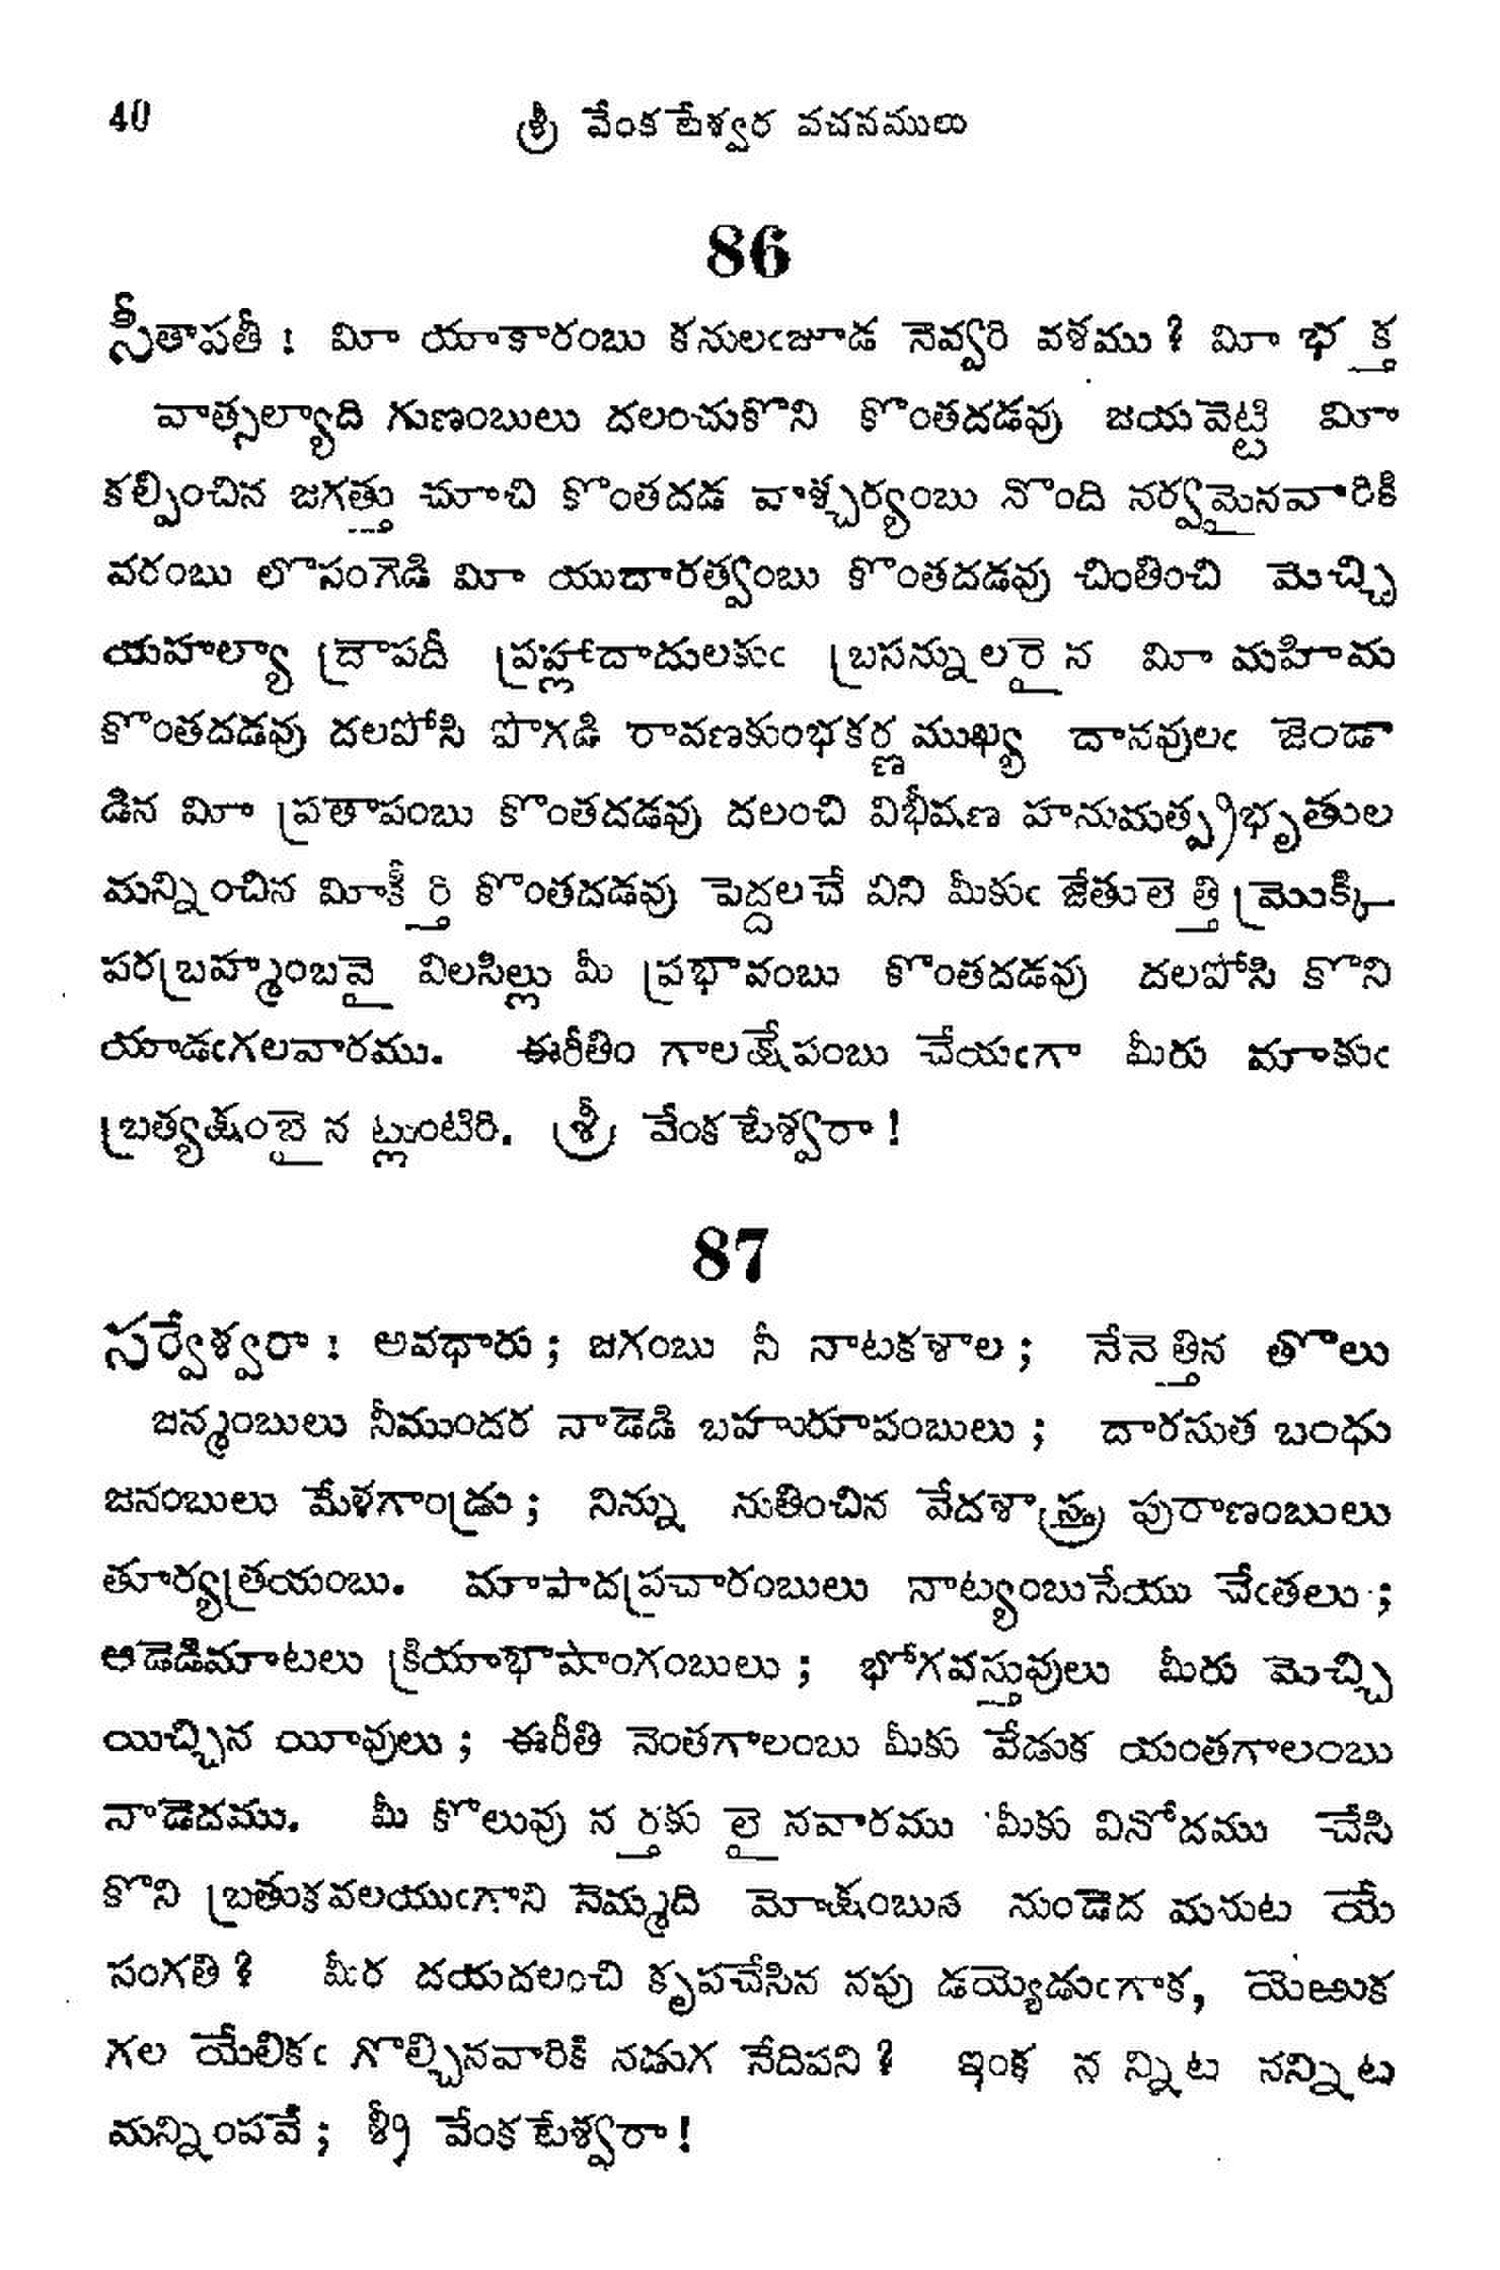86

 ! మీ యాకారంబు కనులఁజూడ నెవ్వరి వశము ? మీ భక్తవాత్సల్యాది గుణంబులు దలంచుకొని కొంతదడవు జయ వెట్టి మీ కల్పించిన జగత్తు చూచి కొంతదడ వాశ్చర్యంబు నొంది నర్వమైనవారికి వరంబు లొసంగెడి మీ యుదారత్వంబు కొంతదడవు చింతించి మెచ్చి యహల్యా ద్రౌపదీ ప్రహ్లాదాదులకుఁ బ్రసన్ను లరైన మీ మహిమ కొంతదడవు దలపోసి పొగడి 'రావణకుంభకర్ల ముఖ్య దానవులఁ జెండాడిన మీ ప్రతాపంబు కొంతదడవు దలంచి విభీషణ హనుమత్ప్రభృతుల మన్నించిన మీకీ ర్తి కొంతదడవు పెద్దలచే విని మీకుఁ జేతులెత్తి మ్రొక్కి పరబ్రహ్మంబనై విలసిల్లు మీ ప్రభావంబు కొంతదడవు దలపోసి కొనియాడఁగలవారము. ఈరీతిం గాలక్షేపంబు చేయఁగా మీరు మాకుఁ బ్రత్యక్షంబై న ట్లుంటిరి. శ్రీ వేంకటేశ్వరా !

87

 ! అవధారు ; జగంబు నీ నాటకశాల; నేనెత్తిన తొలుజన్మంబులు నీముందర నాడెడి బహురూపంబులు; దారసుత బంధు జనంబులు మేళగాండ్రు; నిన్ను నుతించిన 'వేదశాస్త్ర పురాణంబులు తూర్యత్రయంబు. మాపాదప్రచారంబులు నాట్యంబు సేయు చేతలు ; ఆడెడిమాటలు క్రియాభాషాంగంబులు; భోగవస్తువులు మీరు మెచ్చి యిచ్చిన యీవులు ; ఈరీతి నెంతగాలంబు మీకు వేడుక యంతగాలంబు నాడెదము. మీ కొలువు నర్తకు లైనవారము మీకు వినోదము చేసికొని బ్రతుకవలయుఁగాని నెమ్మది మోక్షంబున నుండెద మనుట యే సంగతి ? మీర దయదలంచి కృపచేసిన నపు డయ్యెడుఁగాక, యెఱుక గల యేలికఁ గొల్చినవారికి నడుగ నేదిపని, ఇంక నన్నిట నన్నిట మన్నింపవే; శ్రీ వేంకటేశ్వరా !